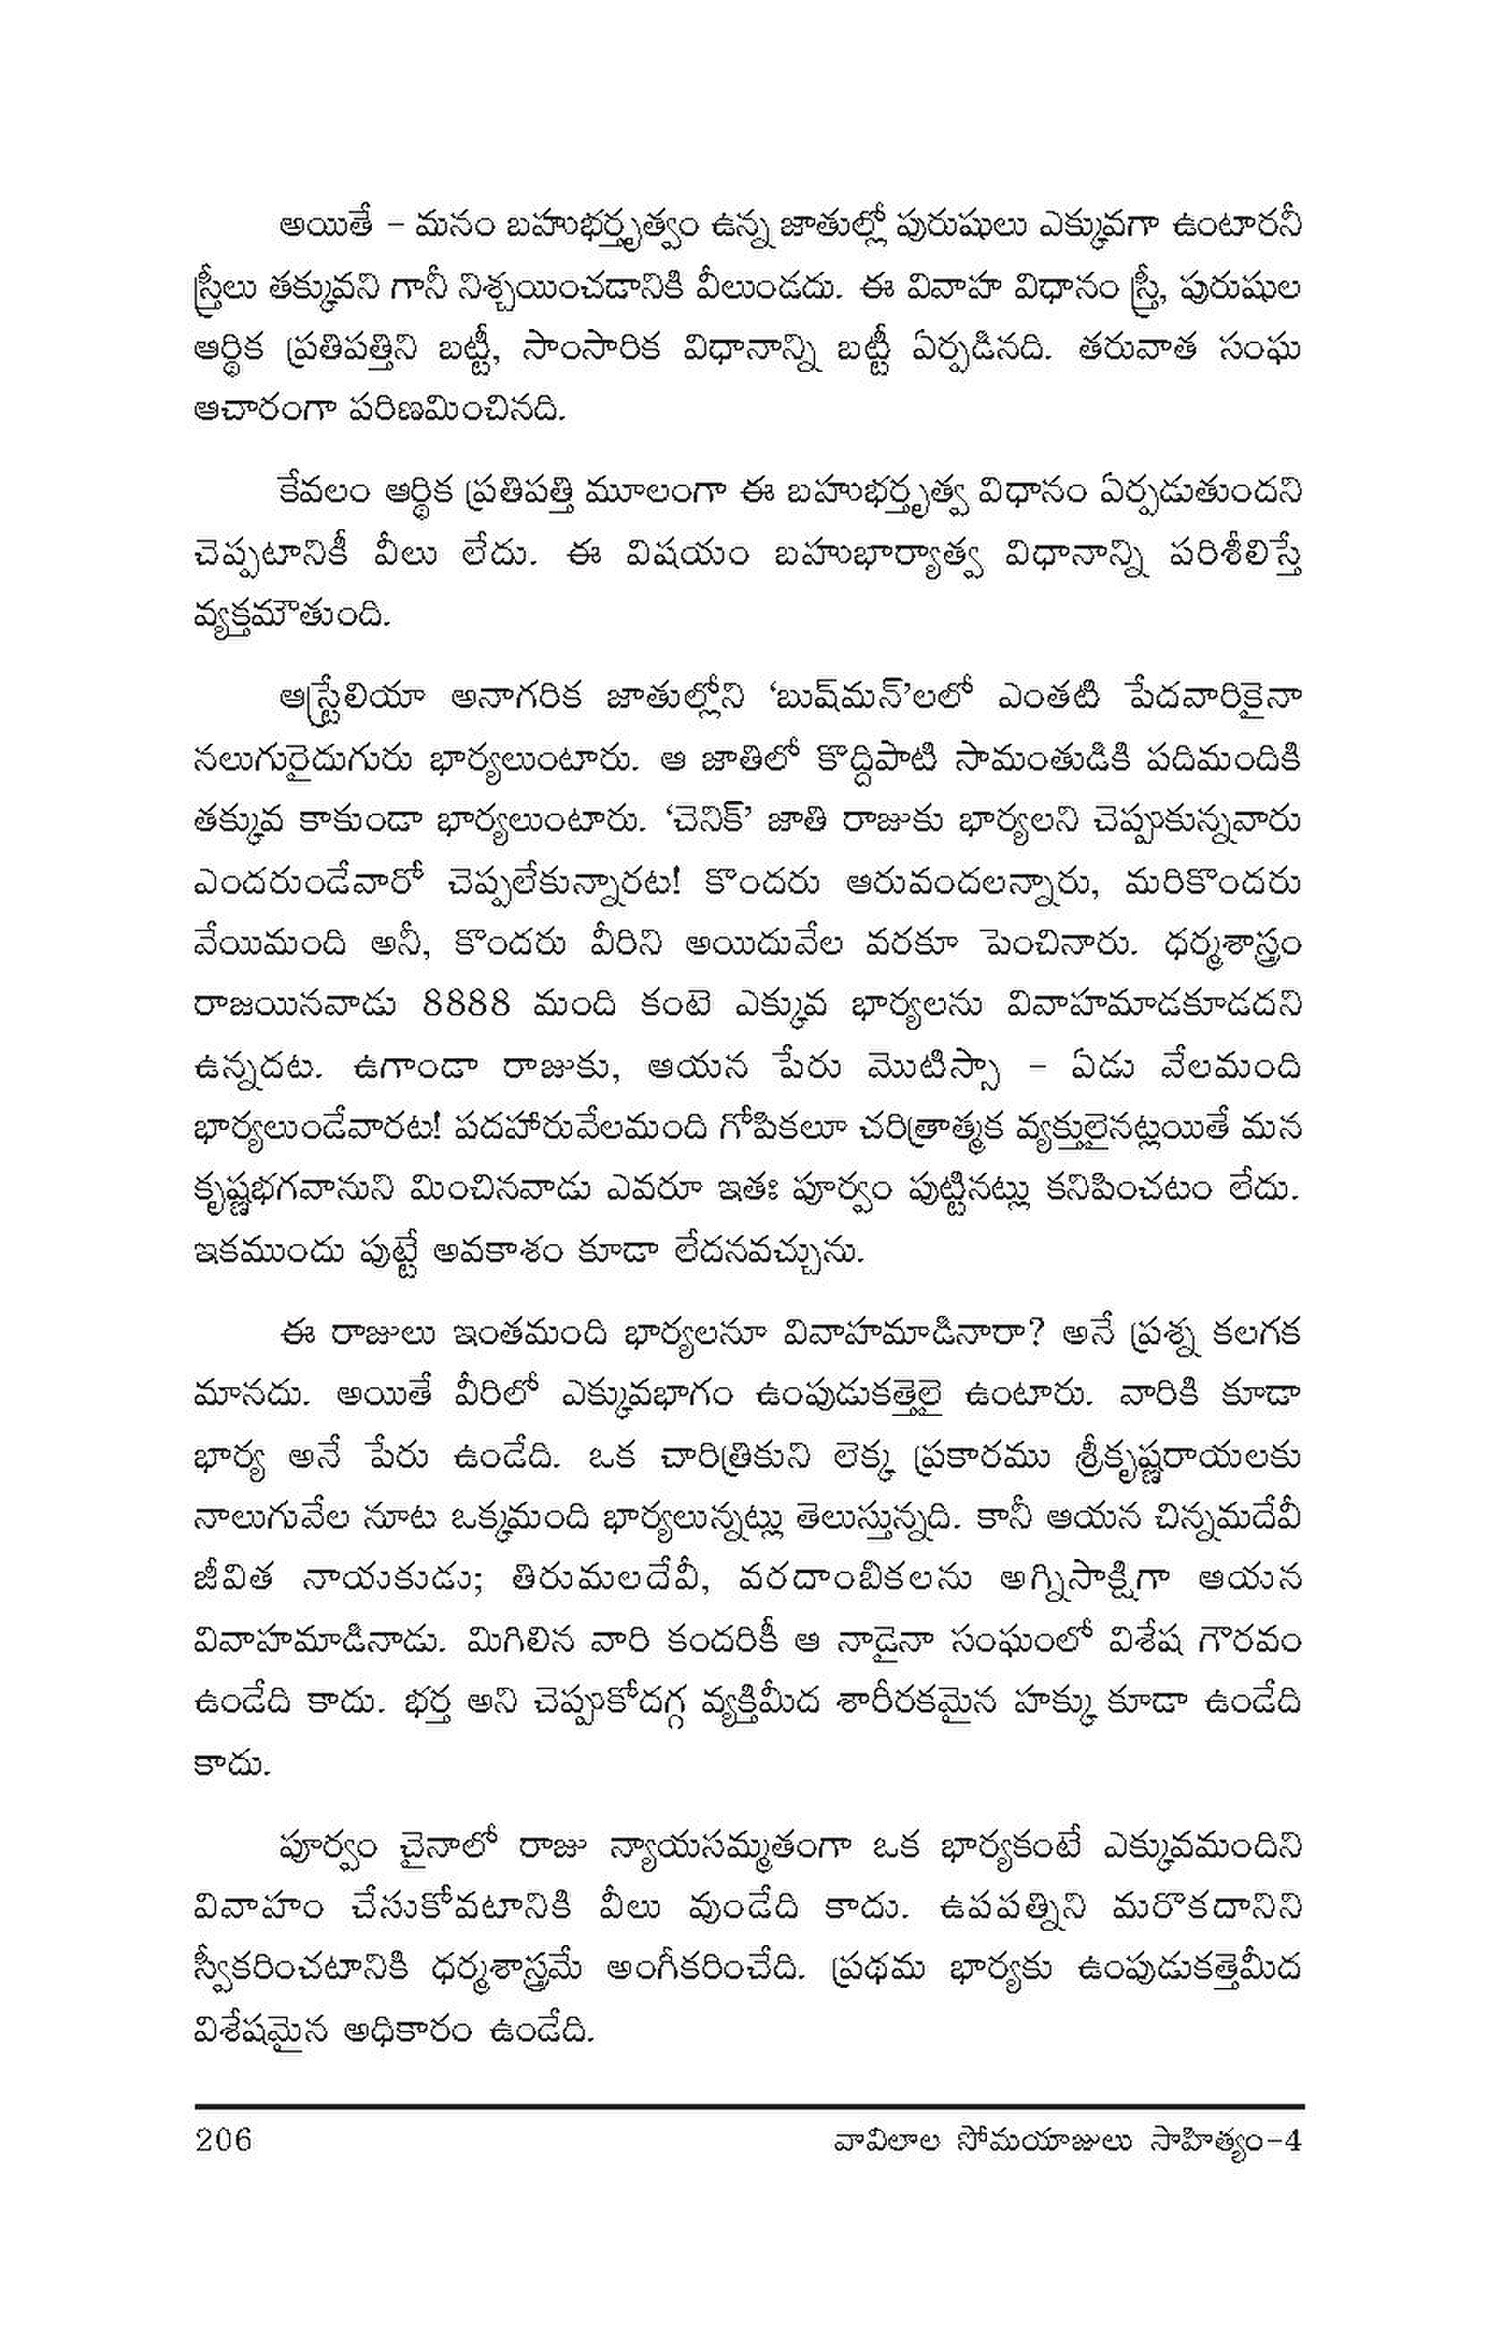అయితే - మనం బహుభర్తృత్వం ఉన్న జాతుల్లో పురుషులు ఎక్కువగా ఉంటారనీ
స్త్రీలు తక్కువని గానీ నిశ్చయించడానికి వీలుండదు. ఈ వివాహ విధానం స్త్రీ, పురుషుల
ఆర్థిక ప్రతిపత్తిని బట్టీ, సాంసారిక విధానాన్ని బట్టీ ఏర్పడినది. తరువాత సంఘ
ఆచారంగా పరిణమించినది.

కేవలం ఆర్థిక ప్రతిపత్తి మూలంగా ఈ బహుభర్తృత్వ విధానం ఏర్పడుతుందని
చెప్పటానికి వీలు లేదు. ఈ విషయం బహుభార్యాత్వ విధానాన్ని పరిశీలిస్తే
వ్యక్తమౌతుంది.

ఆస్ట్రేలియా అనాగరిక జాతుల్లోని 'బుష్ మన్'లలో ఎంతటి పేదవారికైనా
నలుగురైదుగురు భార్యలుంటారు. ఆ జాతిలో కొద్దిపాటి సామంతుడికి పదిమందికి
తక్కువ కాకుండా భార్యలుంటారు. 'చెనిక్' జాతి రాజుకు భార్యలని చెప్పుకున్నవారు
ఎందరుండేవారో చెప్పలేకున్నారట! కొందరు ఆరువందలన్నారు, మరికొందరు
వేయిమంది అనీ, కొందరు వీరిని అయిదువేల వరకూ పెంచినారు. ధర్మశాస్త్రం
రాజయినవాడు 8888 మంది కంటె ఎక్కువ భార్యలను వివాహమాడకూడదని
ఉన్నదట. ఉగాండా రాజుకు, ఆయన పేరు మొటిస్సా ఏడు వేలమంది
భార్యలుండేవారట! పదహారువేలమంది గోపికలూ చరిత్రాత్మక వ్యక్తులైనట్లయితే మన
కృష్ణభగవానుని మించినవాడు ఎవరూ ఇతః పూర్వం పుట్టినట్లు కనిపించటం లేదు.
ఇకముందు పుట్టే అవకాశం కూడా లేదనవచ్చును.

ఈ రాజులు ఇంతమంది భార్యలనూ వివాహమాడినారా? అనే ప్రశ్న కలగక
మానదు. అయితే వీరిలో ఎక్కువభాగం ఉంపుడుకత్తెలై ఉంటారు. వారికి కూడా
భార్య అనే పేరు ఉండేది. ఒక చారిత్రికుని లెక్క ప్రకారము శ్రీకృష్ణరాయలకు
నాలుగువేల నూట ఒక్కమంది భార్యలున్నట్లు తెలుస్తున్నది. కానీ ఆయన చిన్నమదేవీ
జీవిత నాయకుడు; తిరుమలదేవీ, వరదాంబికలను అగ్నిసాక్షిగా ఆయన
వివాహమాడినాడు. మిగిలిన వారి కందరికీ ఆ నాడైనా సంఘంలో విశేష గౌరవం
ఉండేది కాదు. భర్త అని చెప్పుకోదగ్గ వ్యక్తిమీద శారీరకమైన హక్కు కూడా ఉండేది
కాదు.

పూర్వం చైనాలో రాజు న్యాయసమ్మతంగా ఒక భార్యకంటే ఎక్కువమందిని
వివాహం చేసుకోవటానికి వీలు వుండేది కాదు. ఉపపత్నిని మరొకదానిని
స్వీకరించటానికి ధర్మశాస్త్రమే అంగీకరించేది. ప్రథమ భార్యకు ఉంపుడుకత్తెమీద
విశేషమైన అధికారం ఉండేది.